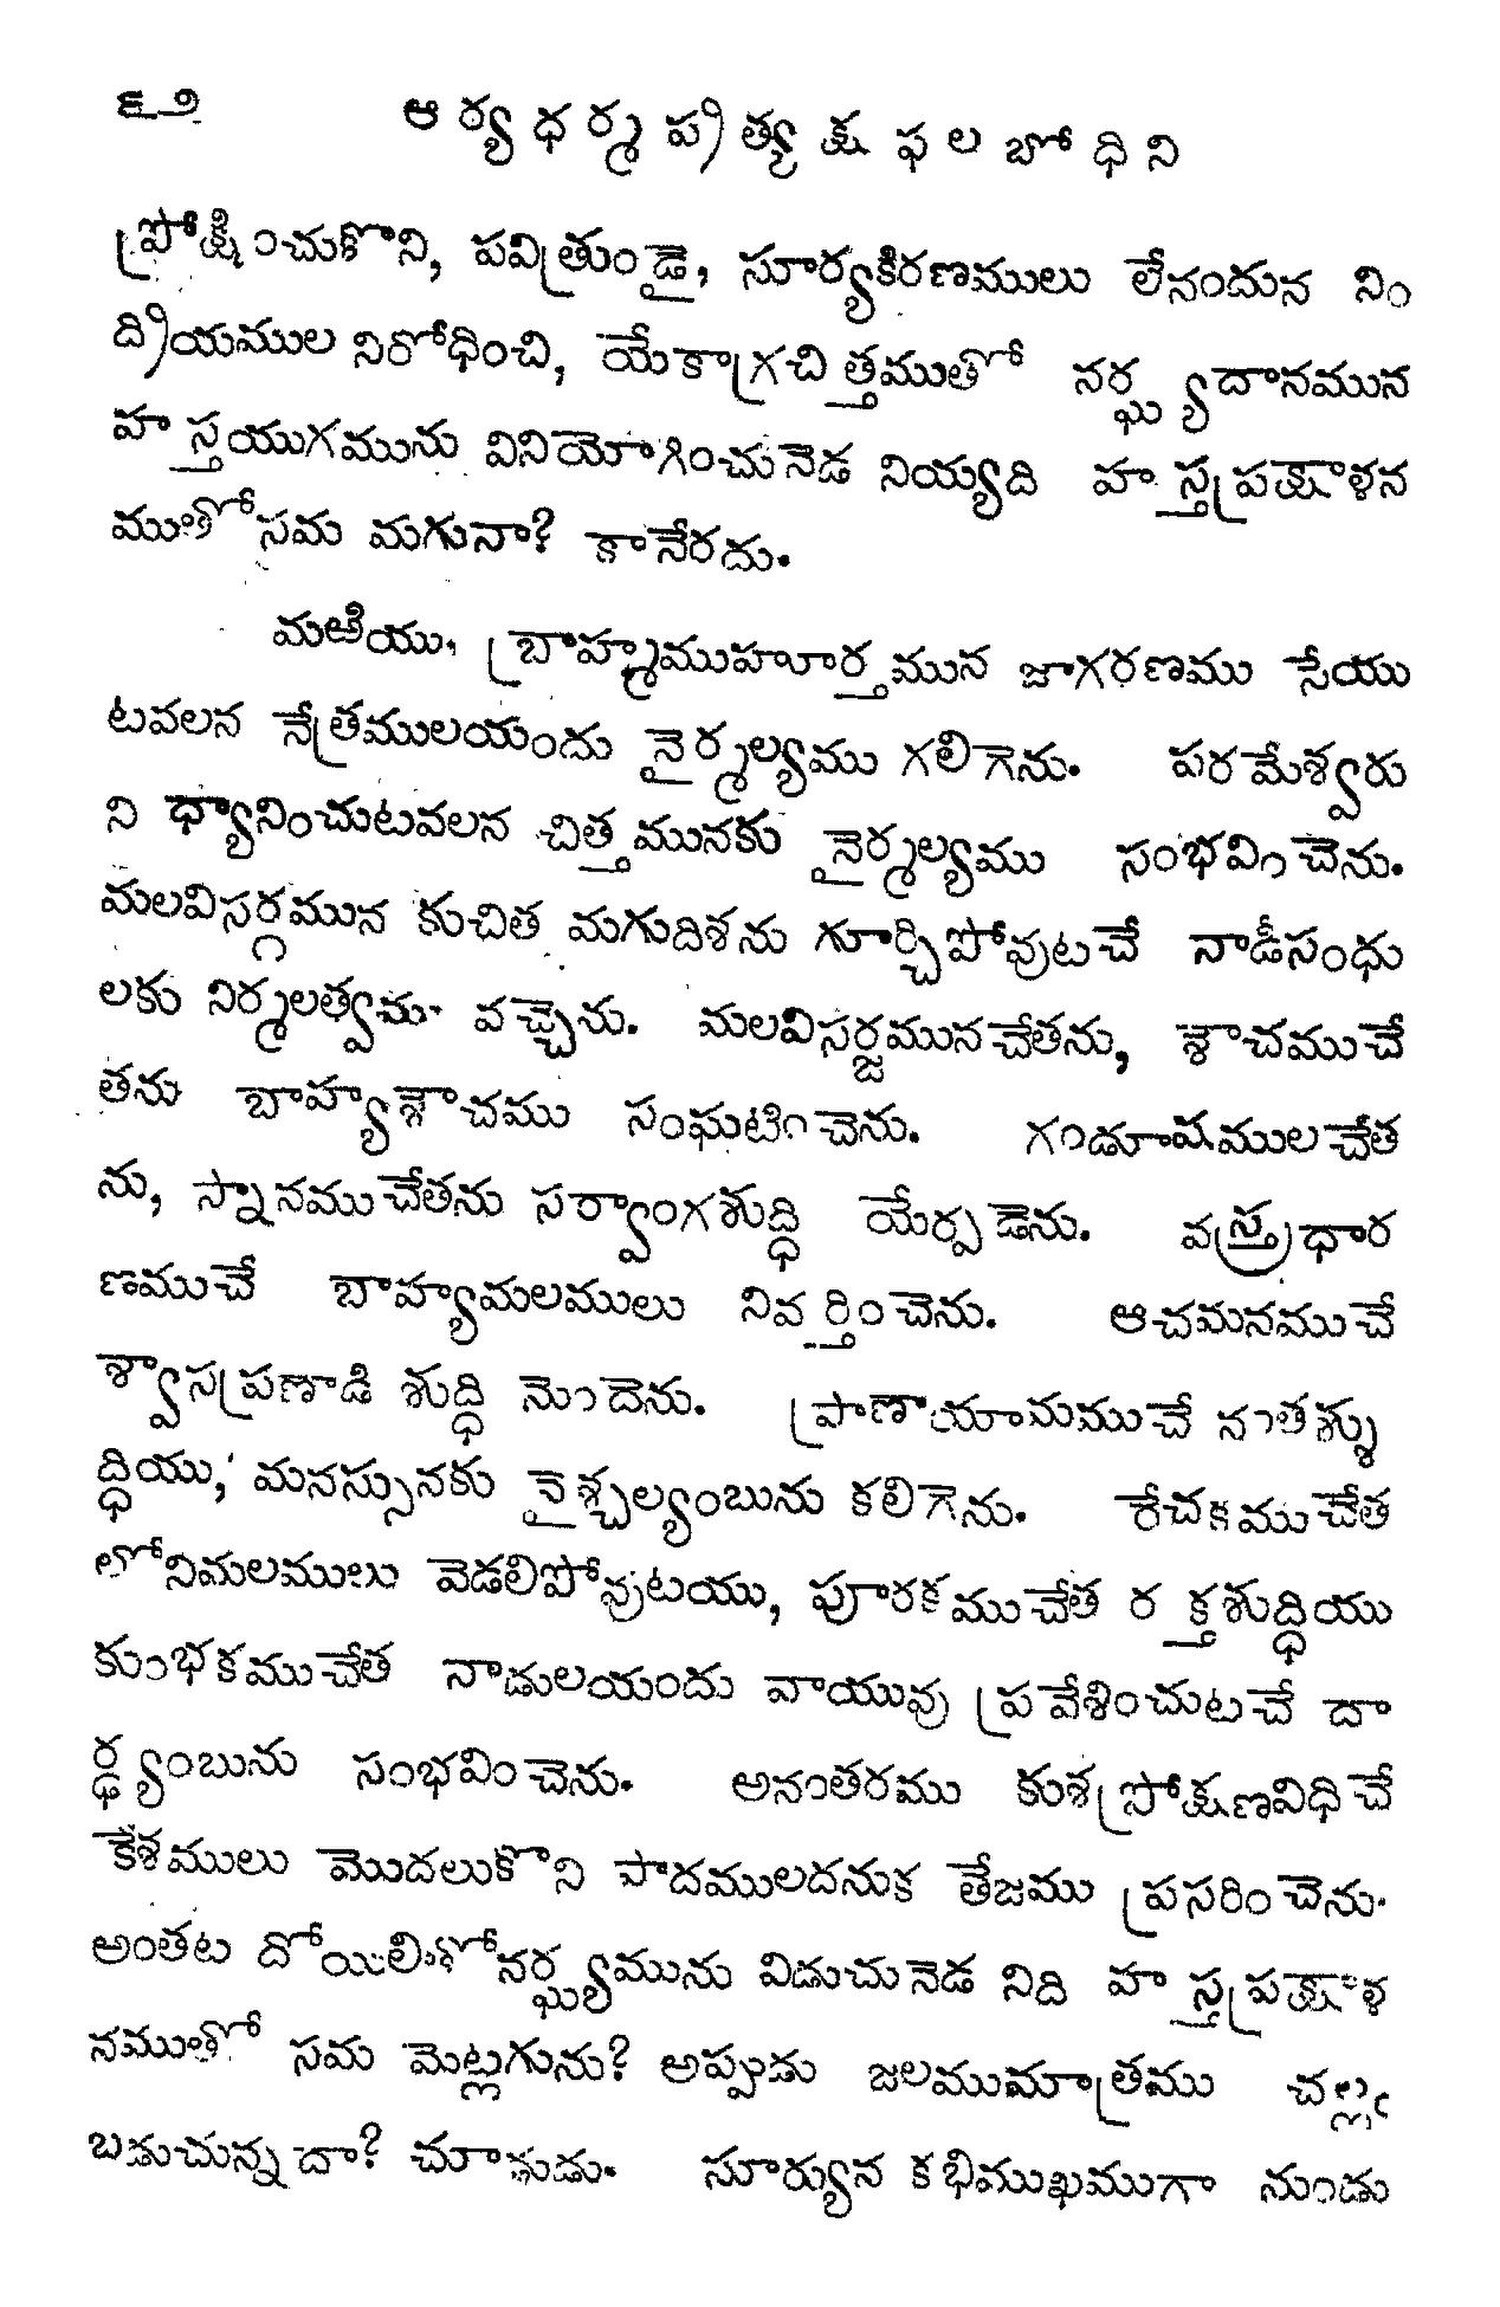ప్రోక్షించుకొని, పవిత్రుండై, సూర్యకిరణములు లేనందున నింద్రియముల నిరోధించి, యేకాగ్రచిత్తముతో నర్ఘ్యదానమున హస్తయుగమును వినియోగించునెడ నియ్యది హస్తప్రక్షాళనముతోసమ మగునా? కానేరదు.

మఱియు, బ్రాహ్మముహూర్తమున జాగరణము సేయుటవలన నేత్రములయందు నైర్మల్యము గలిగెను. పరమేశ్వరుని ధ్యానించుటవలన చిత్తమునకు నైర్మల్యము సంభవించెను. మలవిసర్గమున కుచిత మగుదిశను గూర్చిపోవుటచే నాడీసంధులకు నిర్మలత్వము వచ్చెను. మలవిసర్జమునచేతను, శౌచముచేతను బాహ్యశౌచము సంఘటించెను. గండూషములచేతను, స్నానముచేతను సర్వాంగశుద్ధి యేర్పడెను. వస్త్రధారణముచే బాహ్యమలములు నివర్తించెను. ఆచమనముచే శ్వాసప్రణాడి శుద్ధి నొందెను. ప్రాణాయామముచే నంతశ్శుద్ధియు, మనస్సునకు వైశ్చల్యంబును కలిగెను. రేచకముచేత లోనిమలములు వెడలిపోవుటయు, పూరకముచేత రక్తశుద్ధియు కుంభకముచేత నాడులయందు వాయువు ప్రవేశించుటచే దార్ఢ్యంబును సంభవించెను. అనంతరము కుశప్రోక్షణవిధిచే కేశములు మొదలుకొని పాదములదనుక తేజము ప్రసరించెను. అంతట దోయిలితోనర్ఘ్యమును విడుచునెడ నిది హస్తప్రక్షాళనముతో సమ మెట్లగును? అప్పుడు జలముమాత్రము చల్లఁబడుచున్నదా? చూడుడు. సూర్యున కభిముఖముగా నుండు